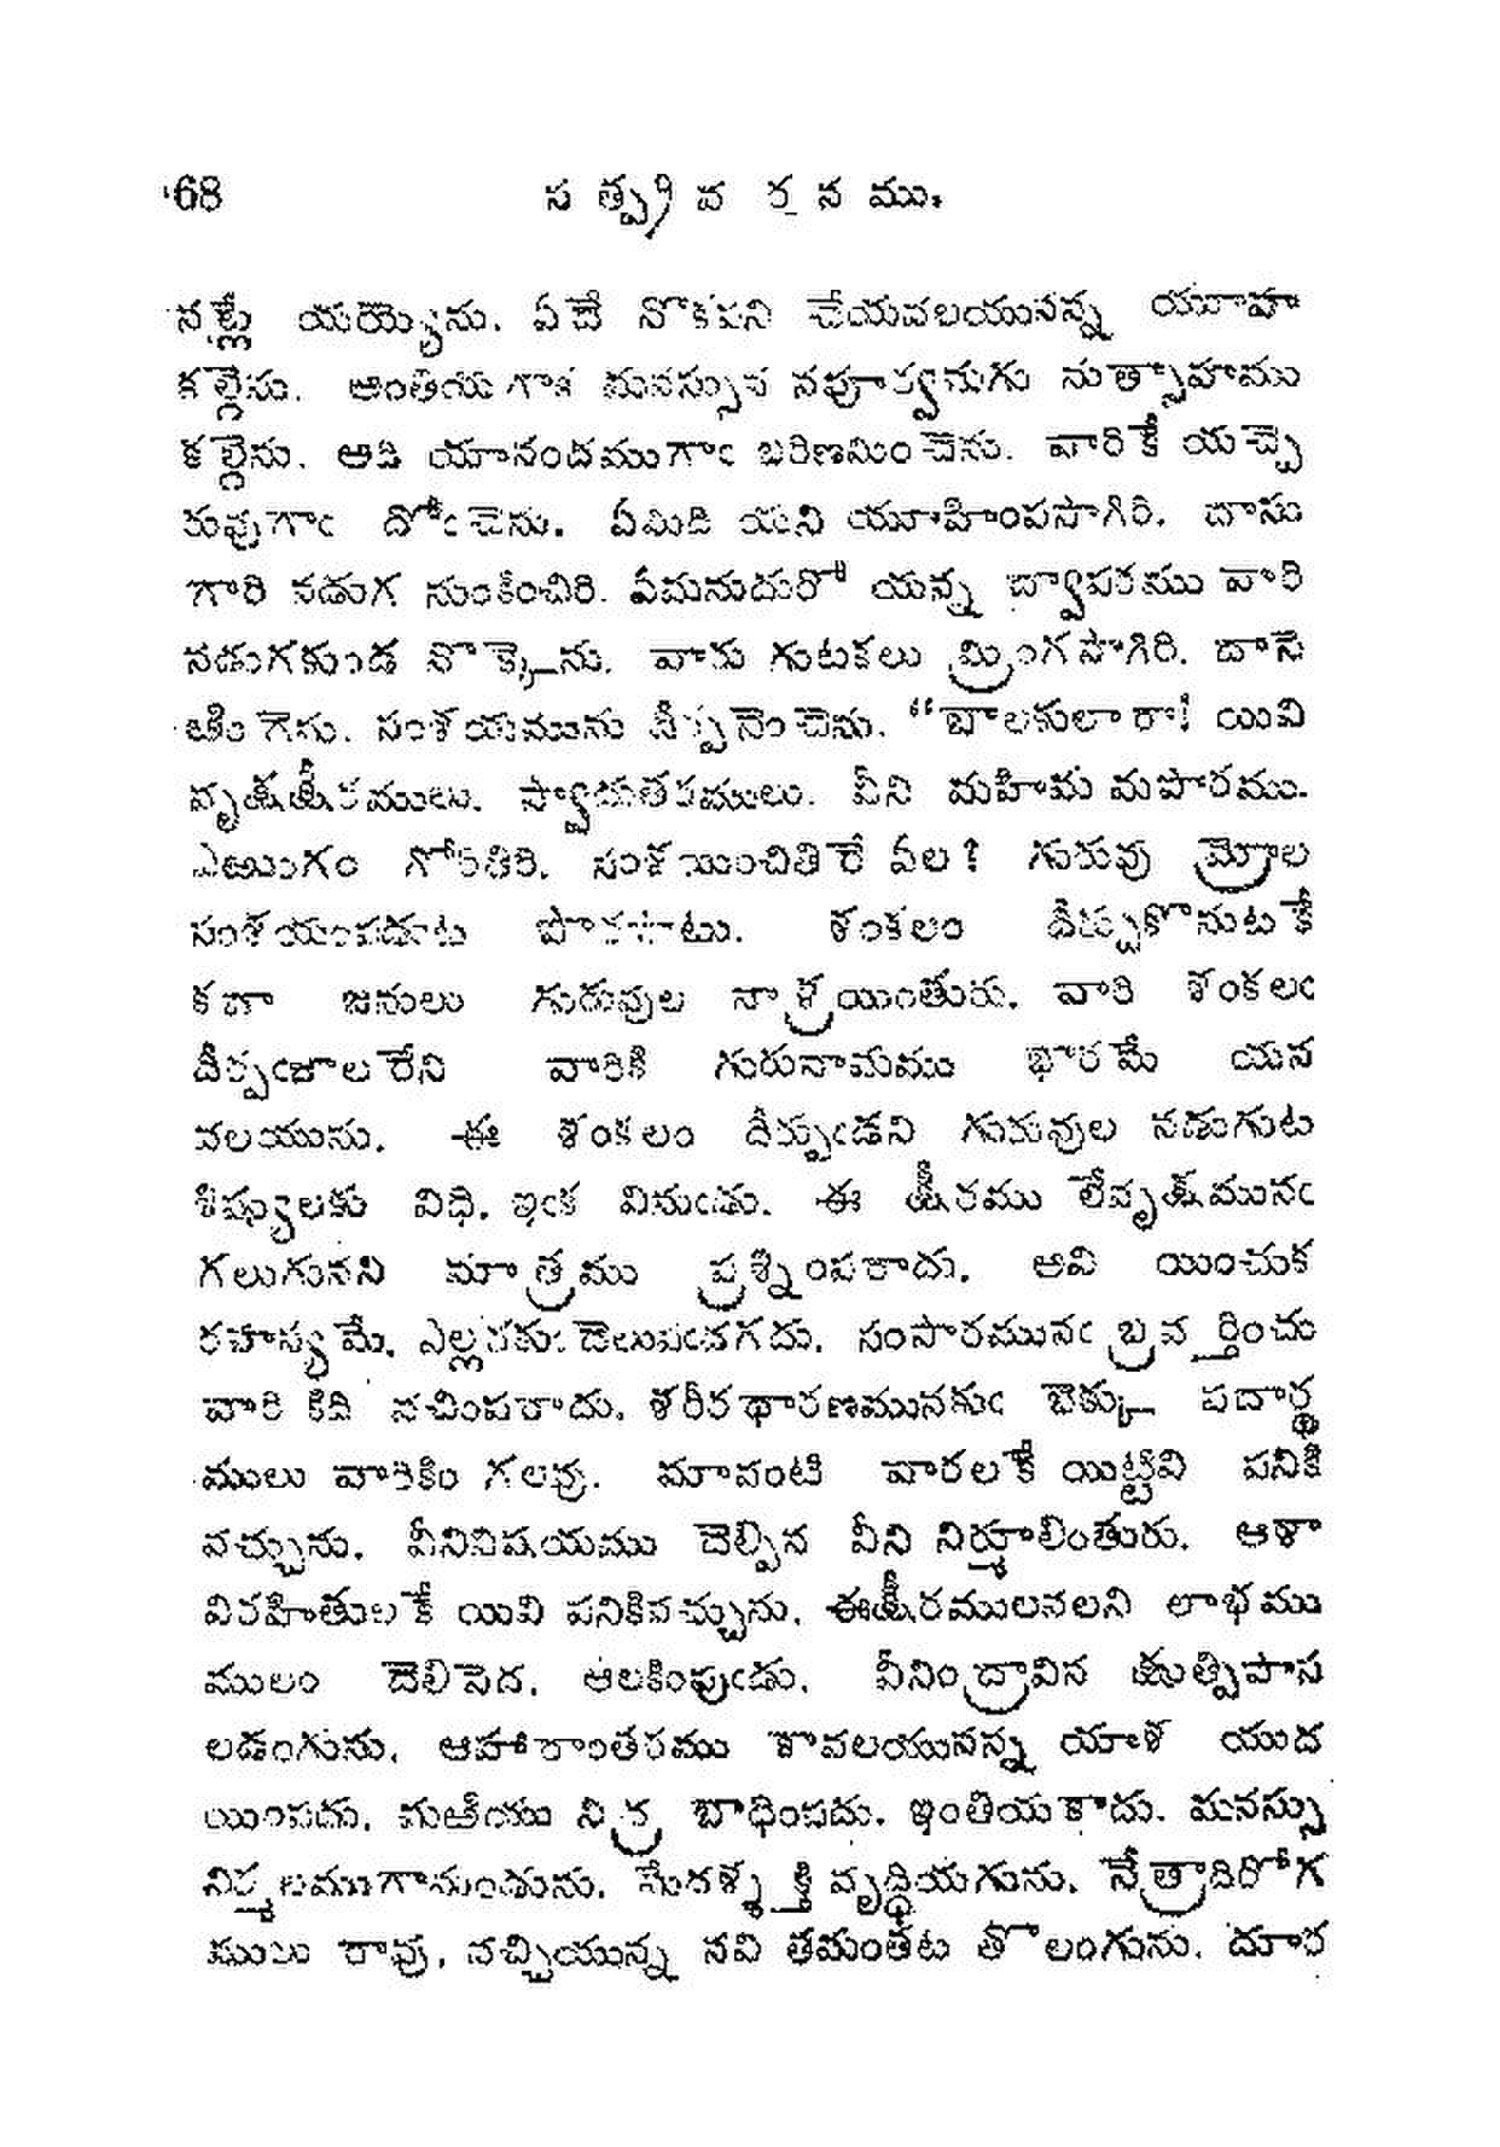నట్లేయయ్యెను. ఏచే నొకపని చేయవలయునన్న యూహ కల్గెను. అంతయు గాని మనస్సున నపూర్వయుగు నుత్సాహము కల్లెను, అది యానందముగాఁ బరిణమించెను. వారికే యచ్చెరువుగాఁ దోచెను. ఏమిది యని యూహింపసాగిరి. దాసు గారి నడుగ సుంకించిరి. ఏమనుదురో యన్న ద్వాపరము వారి నలుగకుండ నొక్కెను. వారు గుటకలు మింగ సాగిరి. దాసెఱింగెను. సంశయమును దీర్పనెంచెను. “బాలకులారా! యివి వృక్షక్షీరములు, సాదుతరములు. దీని మహిమ మపొరము. ఎఱుగం గోరితిరి. సంచరించితిరే ఏల? గురువు మోల సంశయంచుట పొరబాటు . సంశయం దీర్చుకొనుటకే కదా జనులు గురువుల నాశ్రయింతురు. వారి శంకలం దీర్పఁజూల రేని వారికి గురునామము భారమే యన వలయును. ఈ శంకలం దీర్పుఁడని గురువుల నడుగుట శిష్యులకు విధి. ఇంక వినుఁడు. ఈ తీరము లేవృక్షమునం గలుగునని మాత్రము ప్రశ్నింపరాదు. అవి యించుక రహస్యమే, ఎల్లలకు: డెలుపలదగదు. సంసారమునం బవర్తించు వారి కివి నచింపరాదు. శరీరధారణమునకుఁ బెక్కు పదార్థ ములు వారికిం గలవు. మావంటి వారలకే యిట్టివి పనికి వచ్చును. వీనివిషయము దెల్పిన నీని నిర్మూలింతురు. ఆశా విరహీతులకే యివి పనికివచ్చును, ఈక్షీరములవలని లాభము ములం దెలిపెద ఆలకింపుఁడు, వీనిం ద్రావిన కుత్పిపాస లడంగును, ఆహారాంతరము కావలయునన్న యాశ యుదయింపదు. మఱియు నిద్ర, బాధింపదు. ఇంతీయ కాదు. మనస్సు నిర్మలముగా నుండును. మేదశ్శక్తి వృద్ధియగును. నే త్రాదిరోగములు రావు, వచ్చియున్న నవి తమంతట తొలంగును, దూర